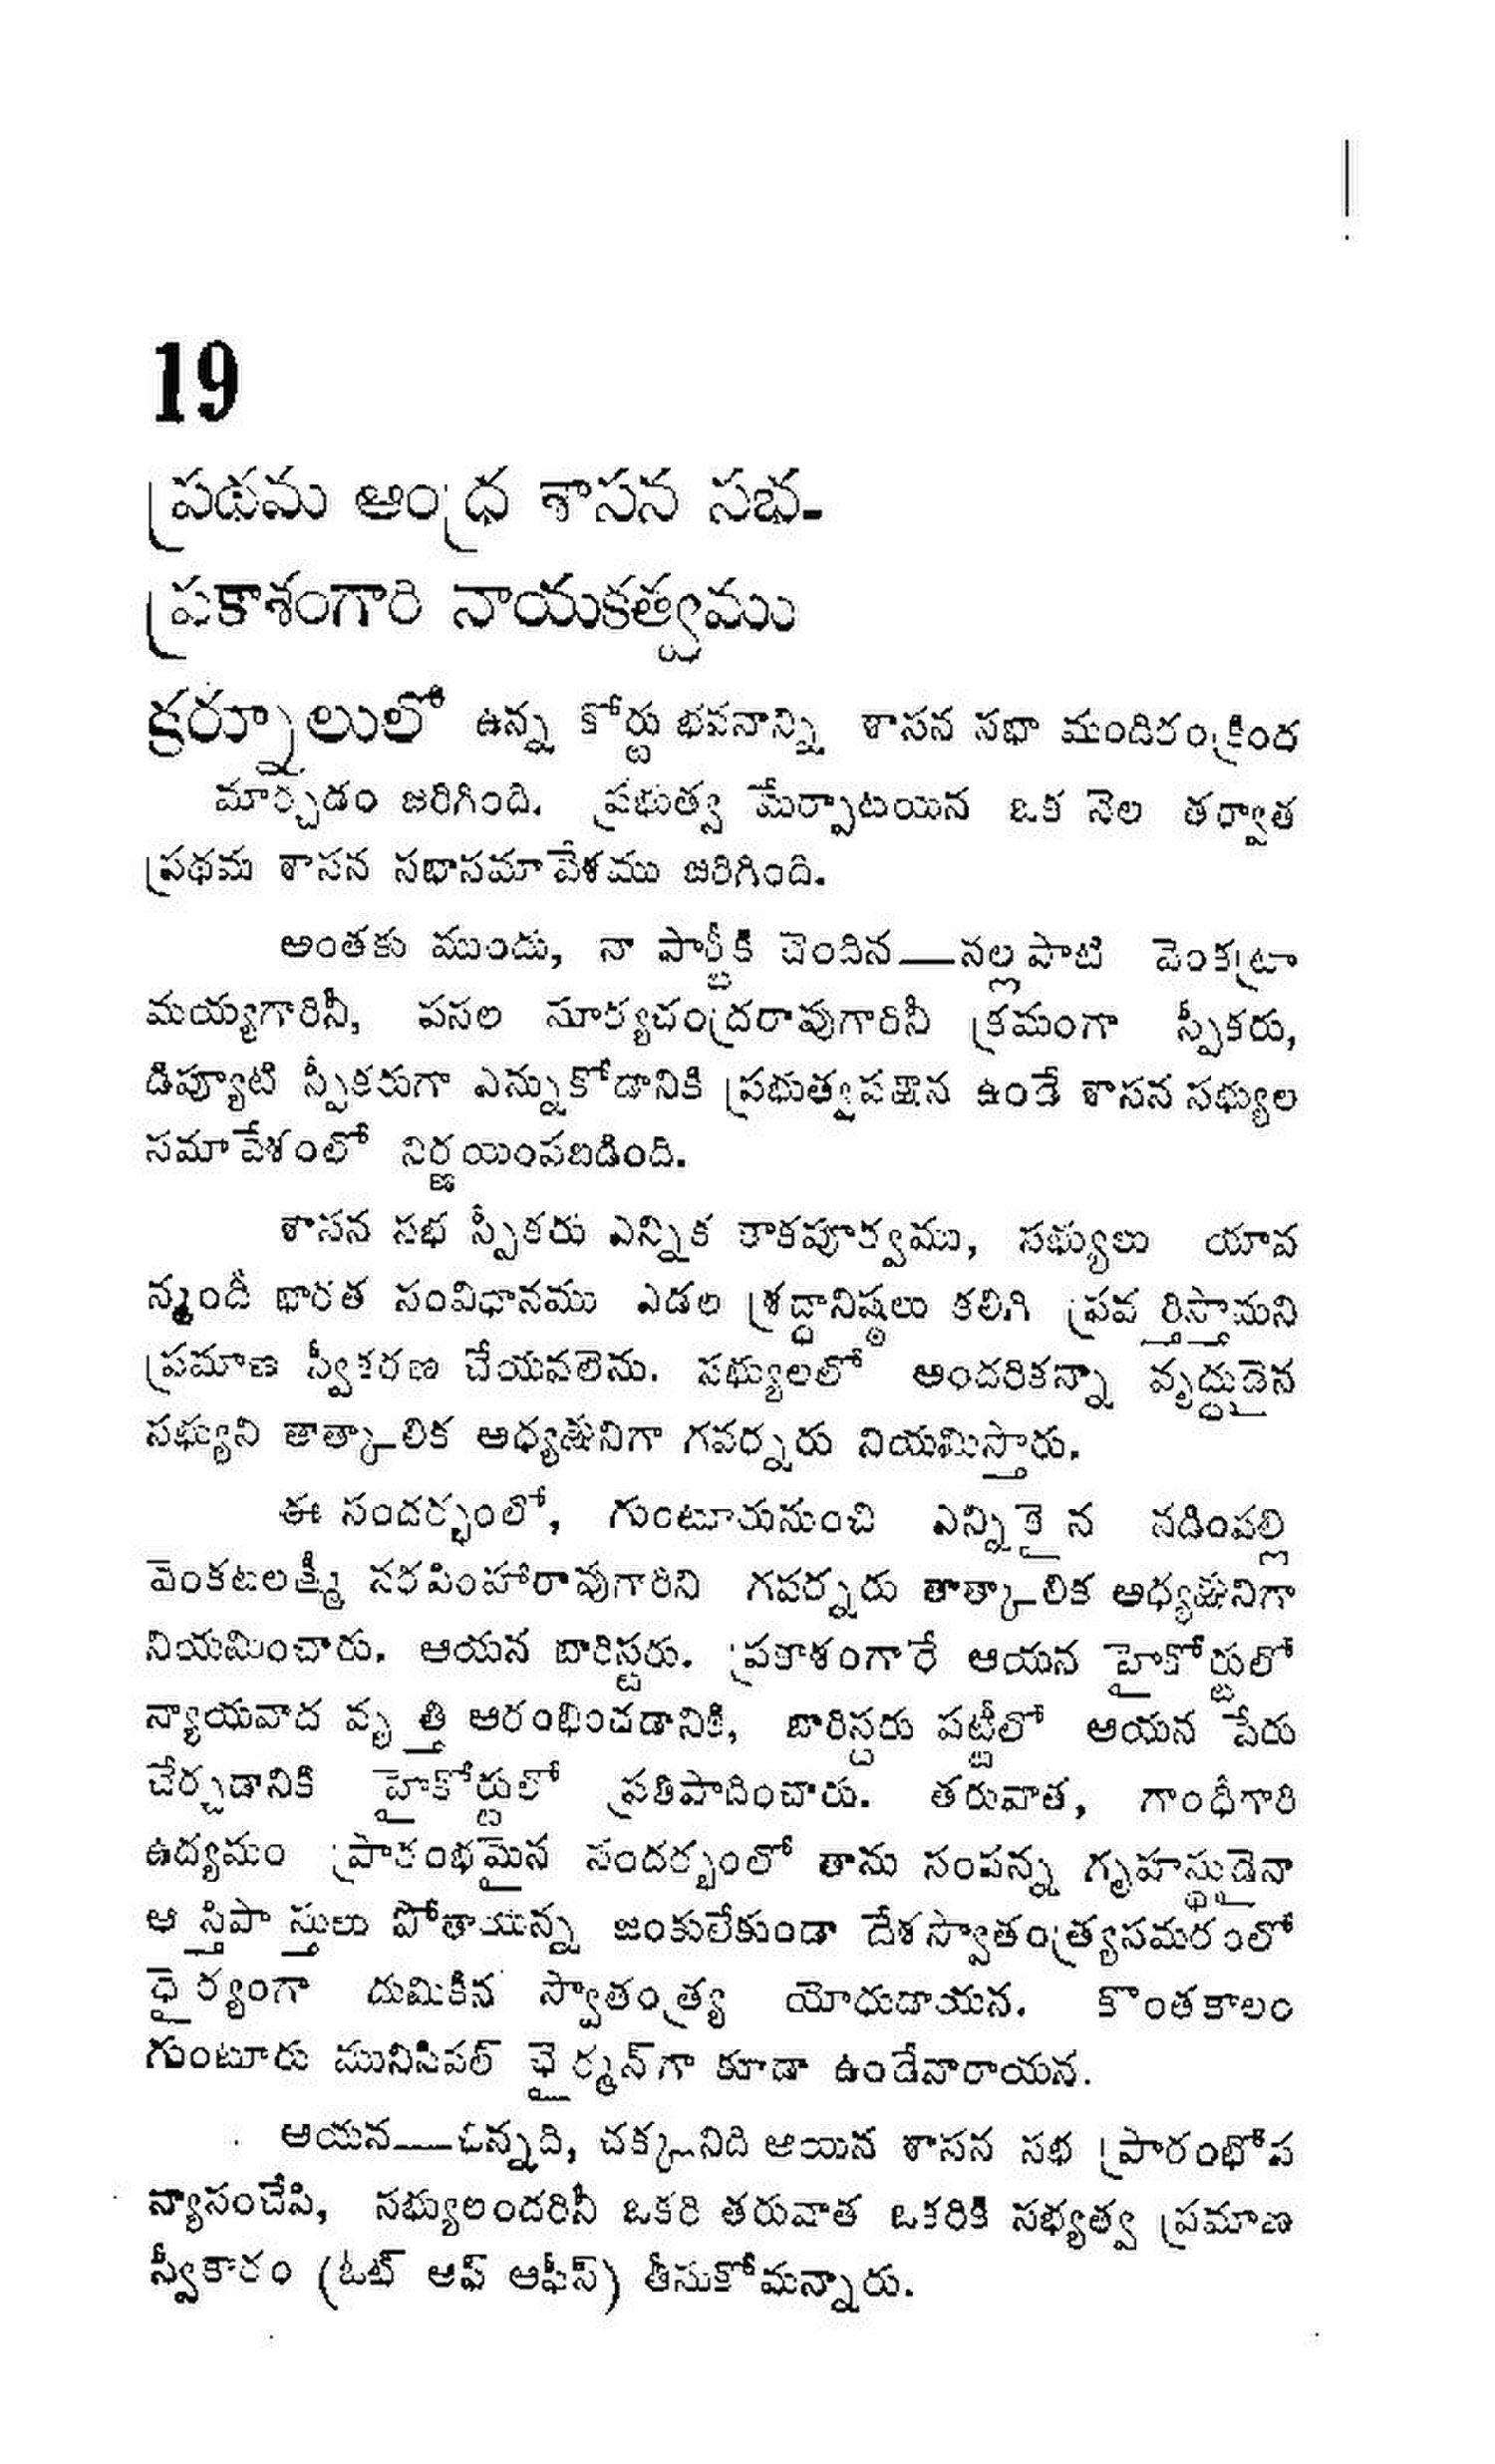కర్నూలులో ఉన్న కోర్టు భవనాన్ని శాసన సభా మందిరంక్రింద మార్చడం జరిగింది. ప్రభుత్వ మేర్పాటయిన ఒక నెల తర్వాత ప్రథమ శాసన సభాసమావేశము జరిగింది.

అంతకు ముందు, నా పార్టీకి చెందిన - నల్లపాటి వెంకట్రామయ్యగారినీ, పసల సూర్యచంద్రరావుగారినీ క్రమంగా స్పీకరు, డిప్యూటి స్పీకరుగా ఎన్నుకోడానికి ప్రభుత్వ పక్షాన ఉండే శాసన సభ్యుల సమావేశంలో నిర్ణయింపబడింది.

శాసన సభ స్పీకరు ఎన్నిక కాకపూర్వము, సభ్యులు యావన్మందీ భారత సంవిధానము ఎడల శ్రద్దానిష్ఠలు కలిగి ప్రవర్తిస్తామని ప్రమాణ స్వీకరణ చేయవలెను. సభ్యులలో అందరికన్నా వృద్ధుడైన సభ్యుని తాత్కాలిక అధ్యక్షునిగా గవర్నరు నియమిస్తారు.

ఈ సందర్భంలో, గుంటూరునుంచి ఎన్నికైన నడింపల్లి వెంకటలక్ష్మీ నరసింహారావుగారిని గవర్నరు తాత్కాలిక అధ్యక్షునిగా నియమించారు. ఆయన బారిష్టరు. ప్రకాశంగారే ఆయన హైకోర్టులో న్యాయవాద వృత్తి ఆరంభించడానికి, బారిస్టరు పట్టీలో ఆయన పేరు చేర్చడానికి హైకోర్టులో ప్రతిపాదించారు. తరువాత, గాంధీగారి ఉద్యమం ప్రారంభమైన సందర్భంలో తాను సంపన్న గృహస్థుడైనా ఆస్తిపాస్తులు పోతాయన్న జంకులేకుండా దేశస్వాతంత్ర్యసమరంలో ధైర్యంగా దుమికిన స్వాతంత్ర్య యోధుడాయన. కొంతకాలం గుంటూరు మునిసిపల్ ఛైర్మన్‌గా ఉండేవారాయన.

ఆయన - చిన్నది, చక్కనిది అయిన శాసన సభ ప్రారంభోపన్యాసంచేసి, సభ్యులందరినీ ఒకరి తరువాత ఒకరికి సభ్యత్వ ప్రమాణ స్వీకారం (ఓట్ ఆఫ్ ఆఫీస్) తీసుకోమన్నారు.